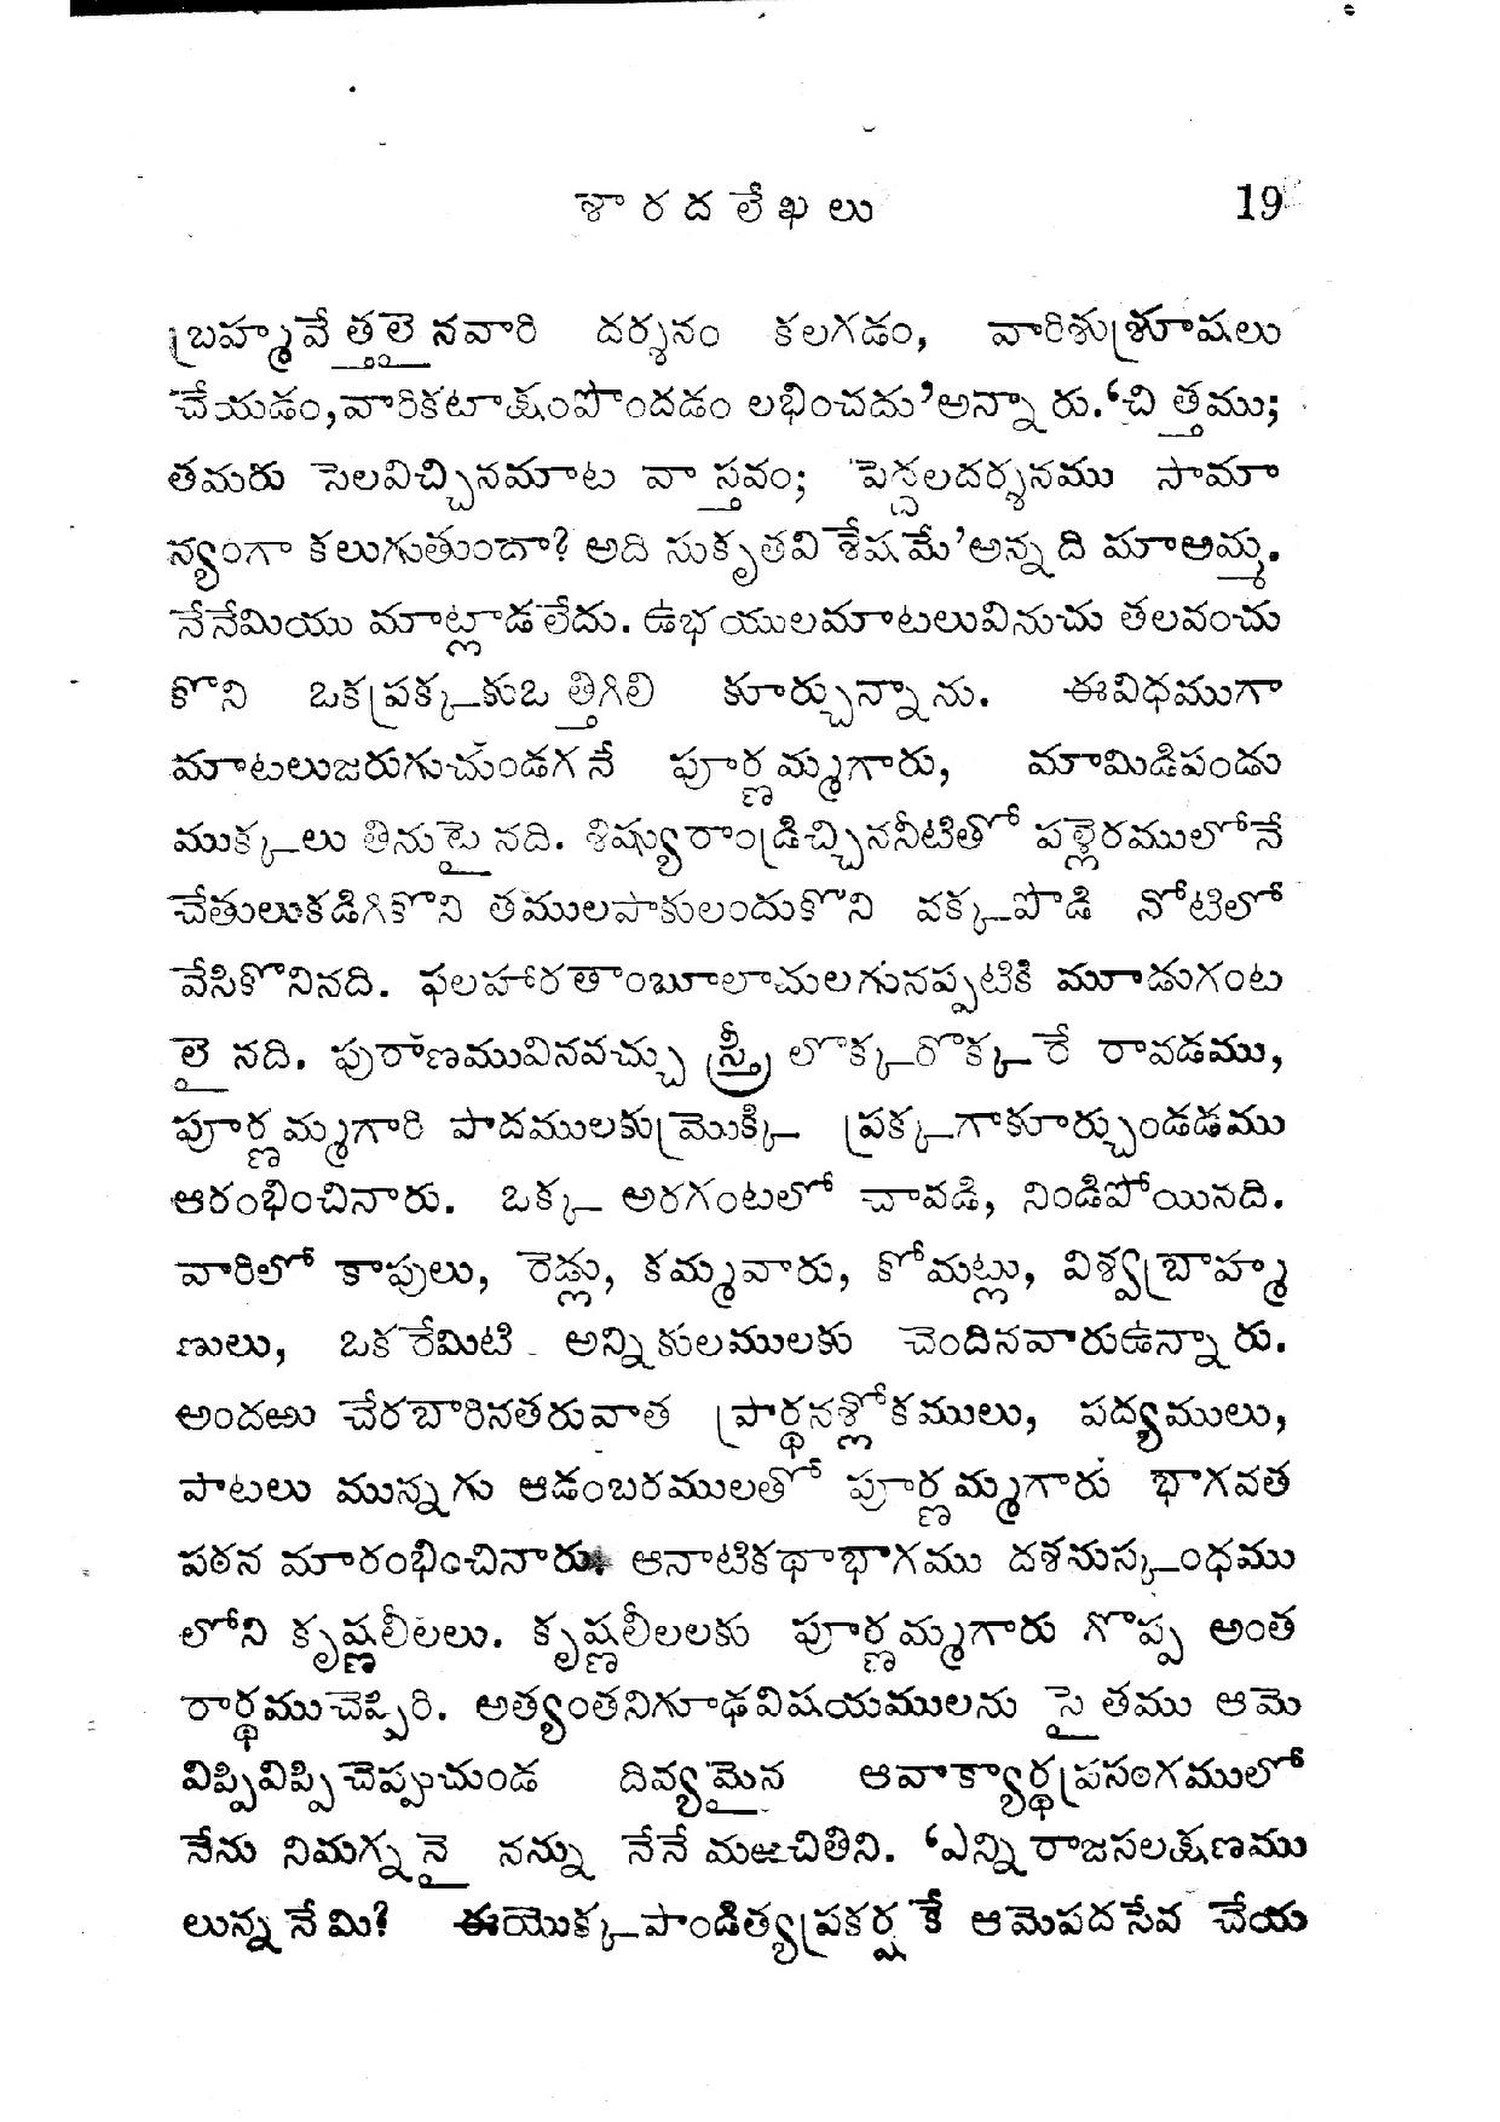బ్రహ్మవేత్తలైనవారి దర్శనం కలగడం, వారిశుశ్రూషలు 
చేయడం, వారికటాక్షంపొందడం లభించదు' అన్నారు.'చిత్తము; 
తమరు సెలవిచ్చినమాట వాస్తవం; 'పెద్దలదర్శనము సామాన్యంగా కలుగుతుందా? అది సుకృతవిశేషమే' అన్నది మా అమ్మ. 
నేనేమియు మాట్లాడలేదు. ఉభయులమాటలు వినుచు తలవంచు
కొని ఒకప్రక్కకుఒత్తిగిలి కూర్చున్నాను. ఈవిధముగా
మాటలుజరుగుచుండగనే పూర్ణమ్మగారు, మామిడిపండు 
ముక్కలు తినుటై నది. శిష్యురాండ్రిచ్చిననీటితో పళ్లెరములోనే 
చేతులు కడిగికొని తములపాకులందుకొని వక్కపొడి నోటిలో 
వేసికొనినది. ఫలహారతాంబూలాదుల గునప్పటికి మూడుగంట
లైనది. పురాణమువినవచ్చు స్త్రీ లొక్కరొక్కరే రావడము,
పూర్ణమ్మగారి పాదములకుమ్రొక్కి ప్రక్కగా కూర్చుండడము 
ఆరంభించినారు. ఒక్క అరగంటలో చావడి, నిండిపోయినది. 
వారిలో కాపులు, రెడ్లు, కమ్మవారు, కోమట్లు, విశ్వబ్రాహ్మ
ణులు, ఒక రేమిటి అన్ని కులములకు చెందినవారు ఉన్నారు. 
అందఱు చేరబారినతరువాత ప్రార్థనశ్లోకములు, పద్యములు,
పాటలు మున్నగు ఆడంబరములతో పూర్ణమ్మగారు భాగవత 
పఠన మారంభించినారు. ఆనాటి కథాభాగము దశమ స్కంధము
లోని కృష్ణలీలలు. కృష్ణలీలలకు పూర్ణమ్మగారు గొప్ప అంత
రార్థము చెప్పిరి. అత్యంత నిగూఢ విషయములను సైతము ఆమె 
విప్పివిప్పి చెప్పుచుండ దివ్యమైన ఆవాక్యార్థప్రసంగములో 
నేను నిమగ్ననై నన్ను నేనే మఱచితిని. 'ఎన్ని రాజసలక్షణము
లున్న నేమి? ఈయొక్క పాండిత్య ప్రకర్షకే ఆమెపదసేవ చేయ